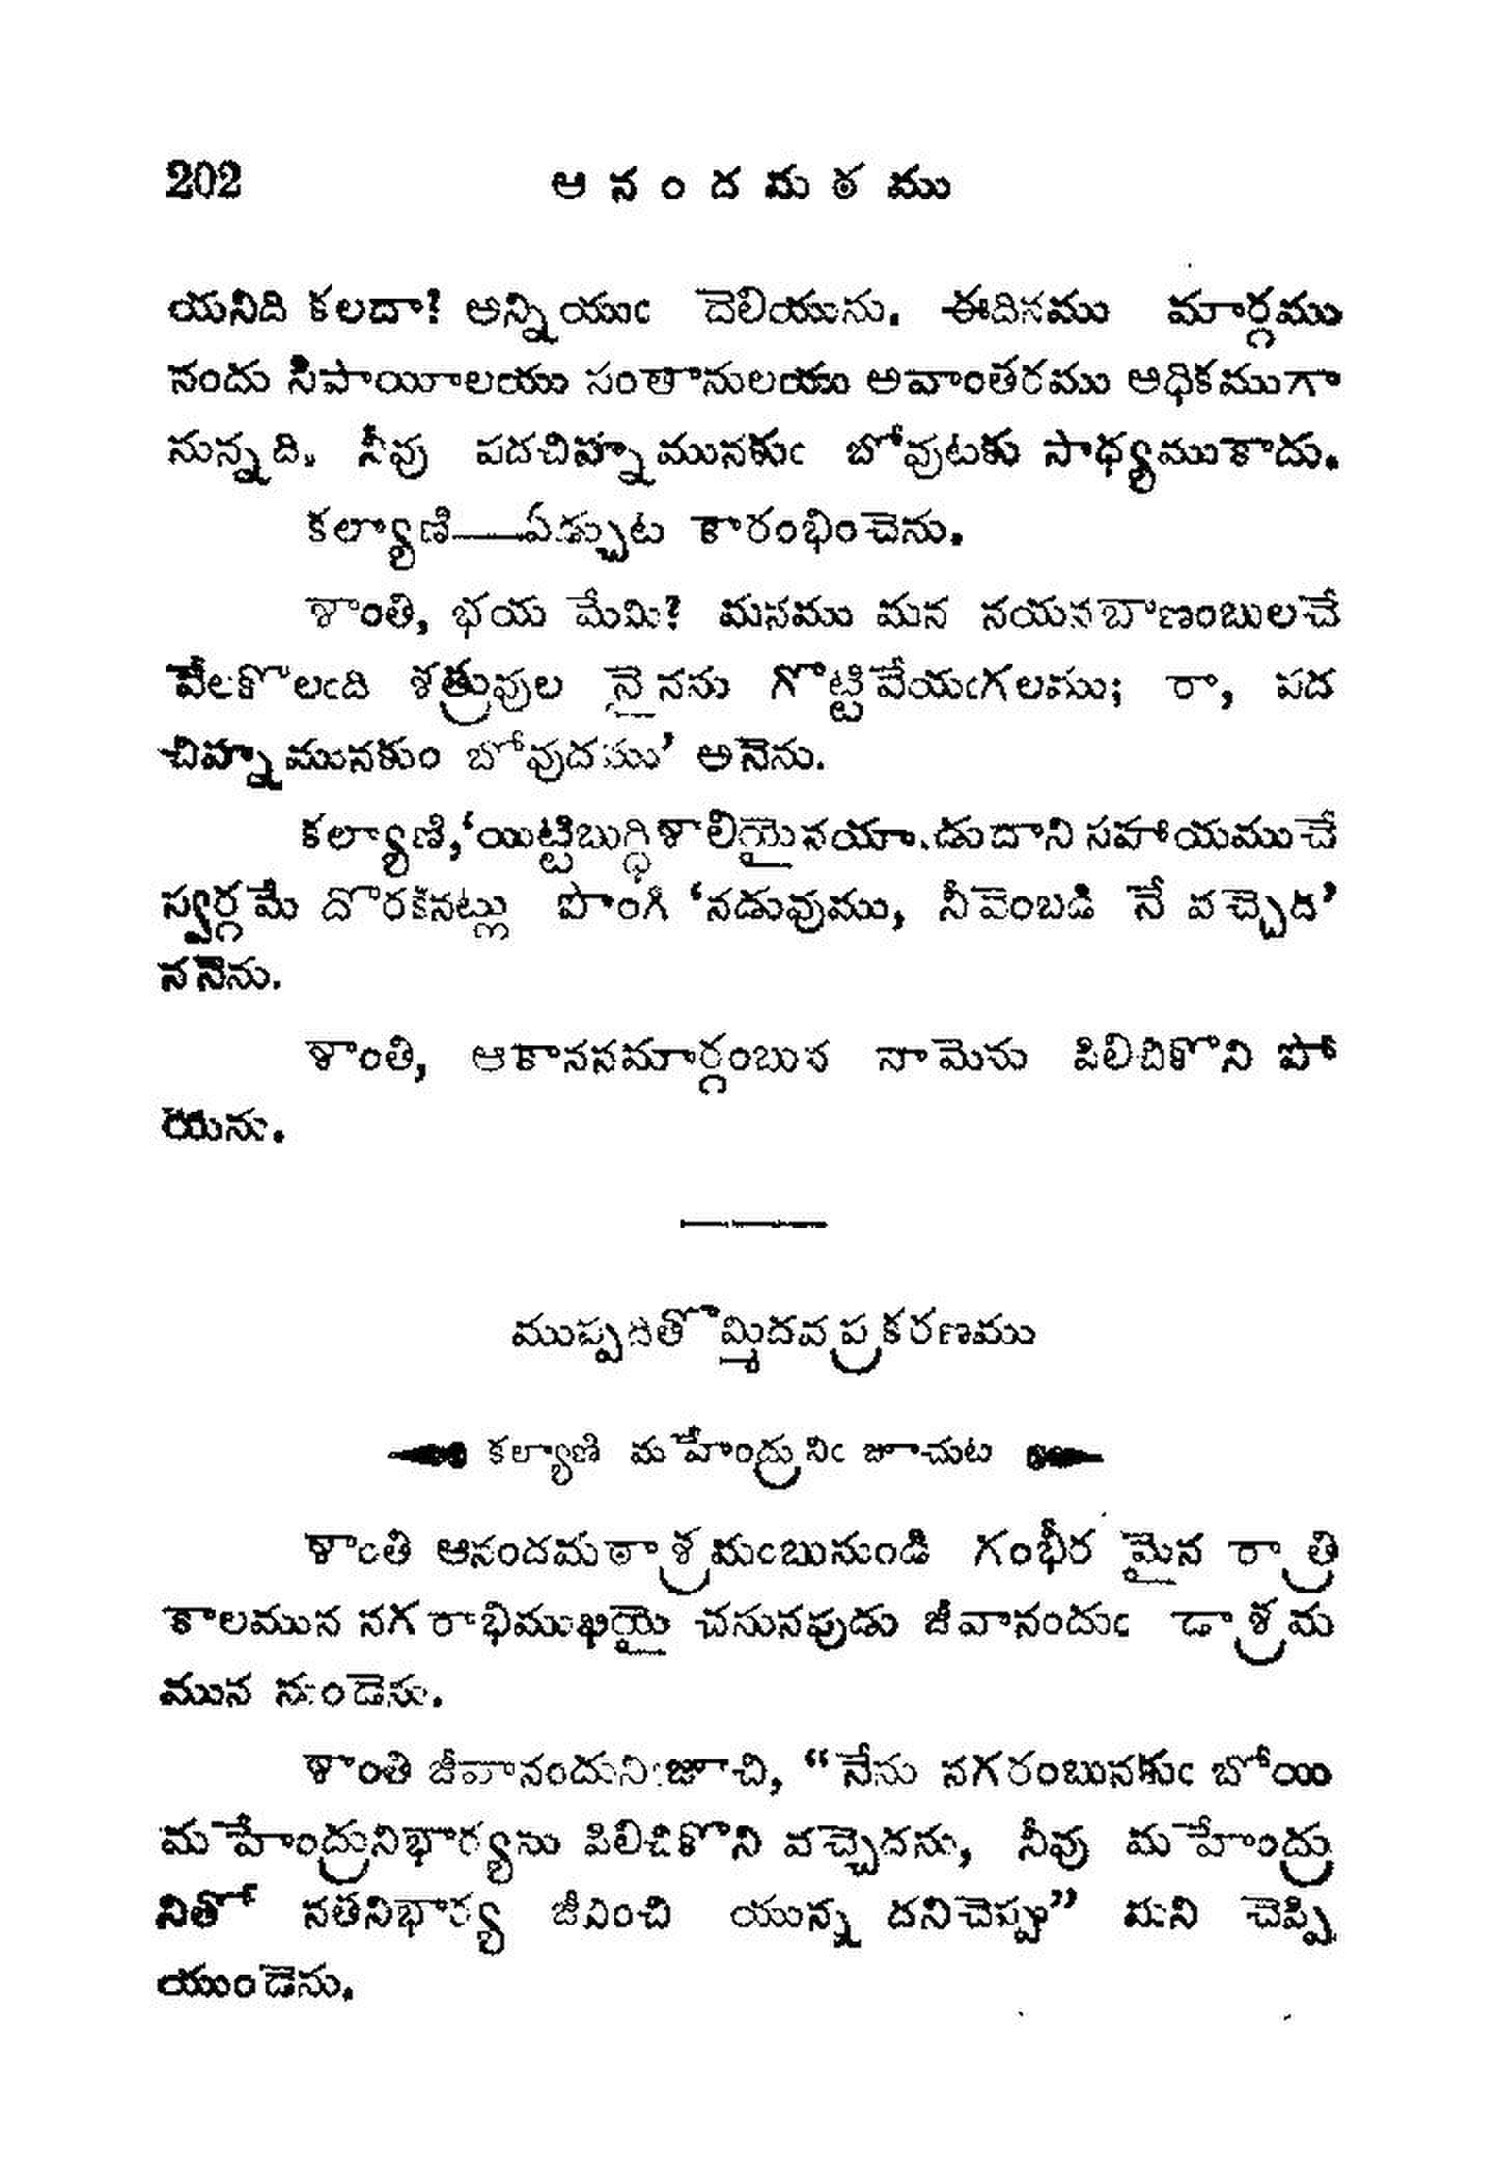యనిది కలదా! అన్నియుఁ దెలియును. ఈదినము మార్గము నందు సిపాయీలయు సంతానులయు అవాంతరము అధికముగా నున్నది, నీవు పదచిహ్నమునకుఁ బోవుటకు సాధ్యముకాదు.

కల్యాణి—— ఏడ్చుట కారంభించెను.

శాంతి, భయ మేమి? మనము మన నయన బాణంబులచే వేలకొలఁది శత్రువుల నైనను గొట్టి వేయఁగలము; రా, పద
చిహ్నమునకుం బోవుదము' అనెను.

కల్యాణి, యిట్టిబుద్ధిశాలియైన యాఁడుదాని సహాయముచే స్వర్గమే దొరకినట్లు పొంగి 'నడువుము, నీవెంబడి నే వచ్చెద'
ననెను.

శాంతి, ఆకాననమార్గంబున నామెను పిలిచికోని పోయెను.

ముప్పటి తొమ్మిదవ ప్రకరణము

కల్యాణి మహేంద్రు నిఁ జూచుట

శాంతి ఆనందమఠాశ్రమంబునుండి గంభీర మైన రాత్రి కాలమున నగరాభిముఖియై చనునపుడు జీవానందుఁ డాశ్రమ
మున నుండెను.

శాంతి జీవానందుని జూచి, “నేను నగరంబునకుఁ బోయి మహేంద్రునిభార్యను పిలిచి కొని వచ్చెదను, నీవు మహేంద్రు
నితో నతనిభార్య జీవించి యున్నదని చెప్పు” మని చెప్పి యుండెను.